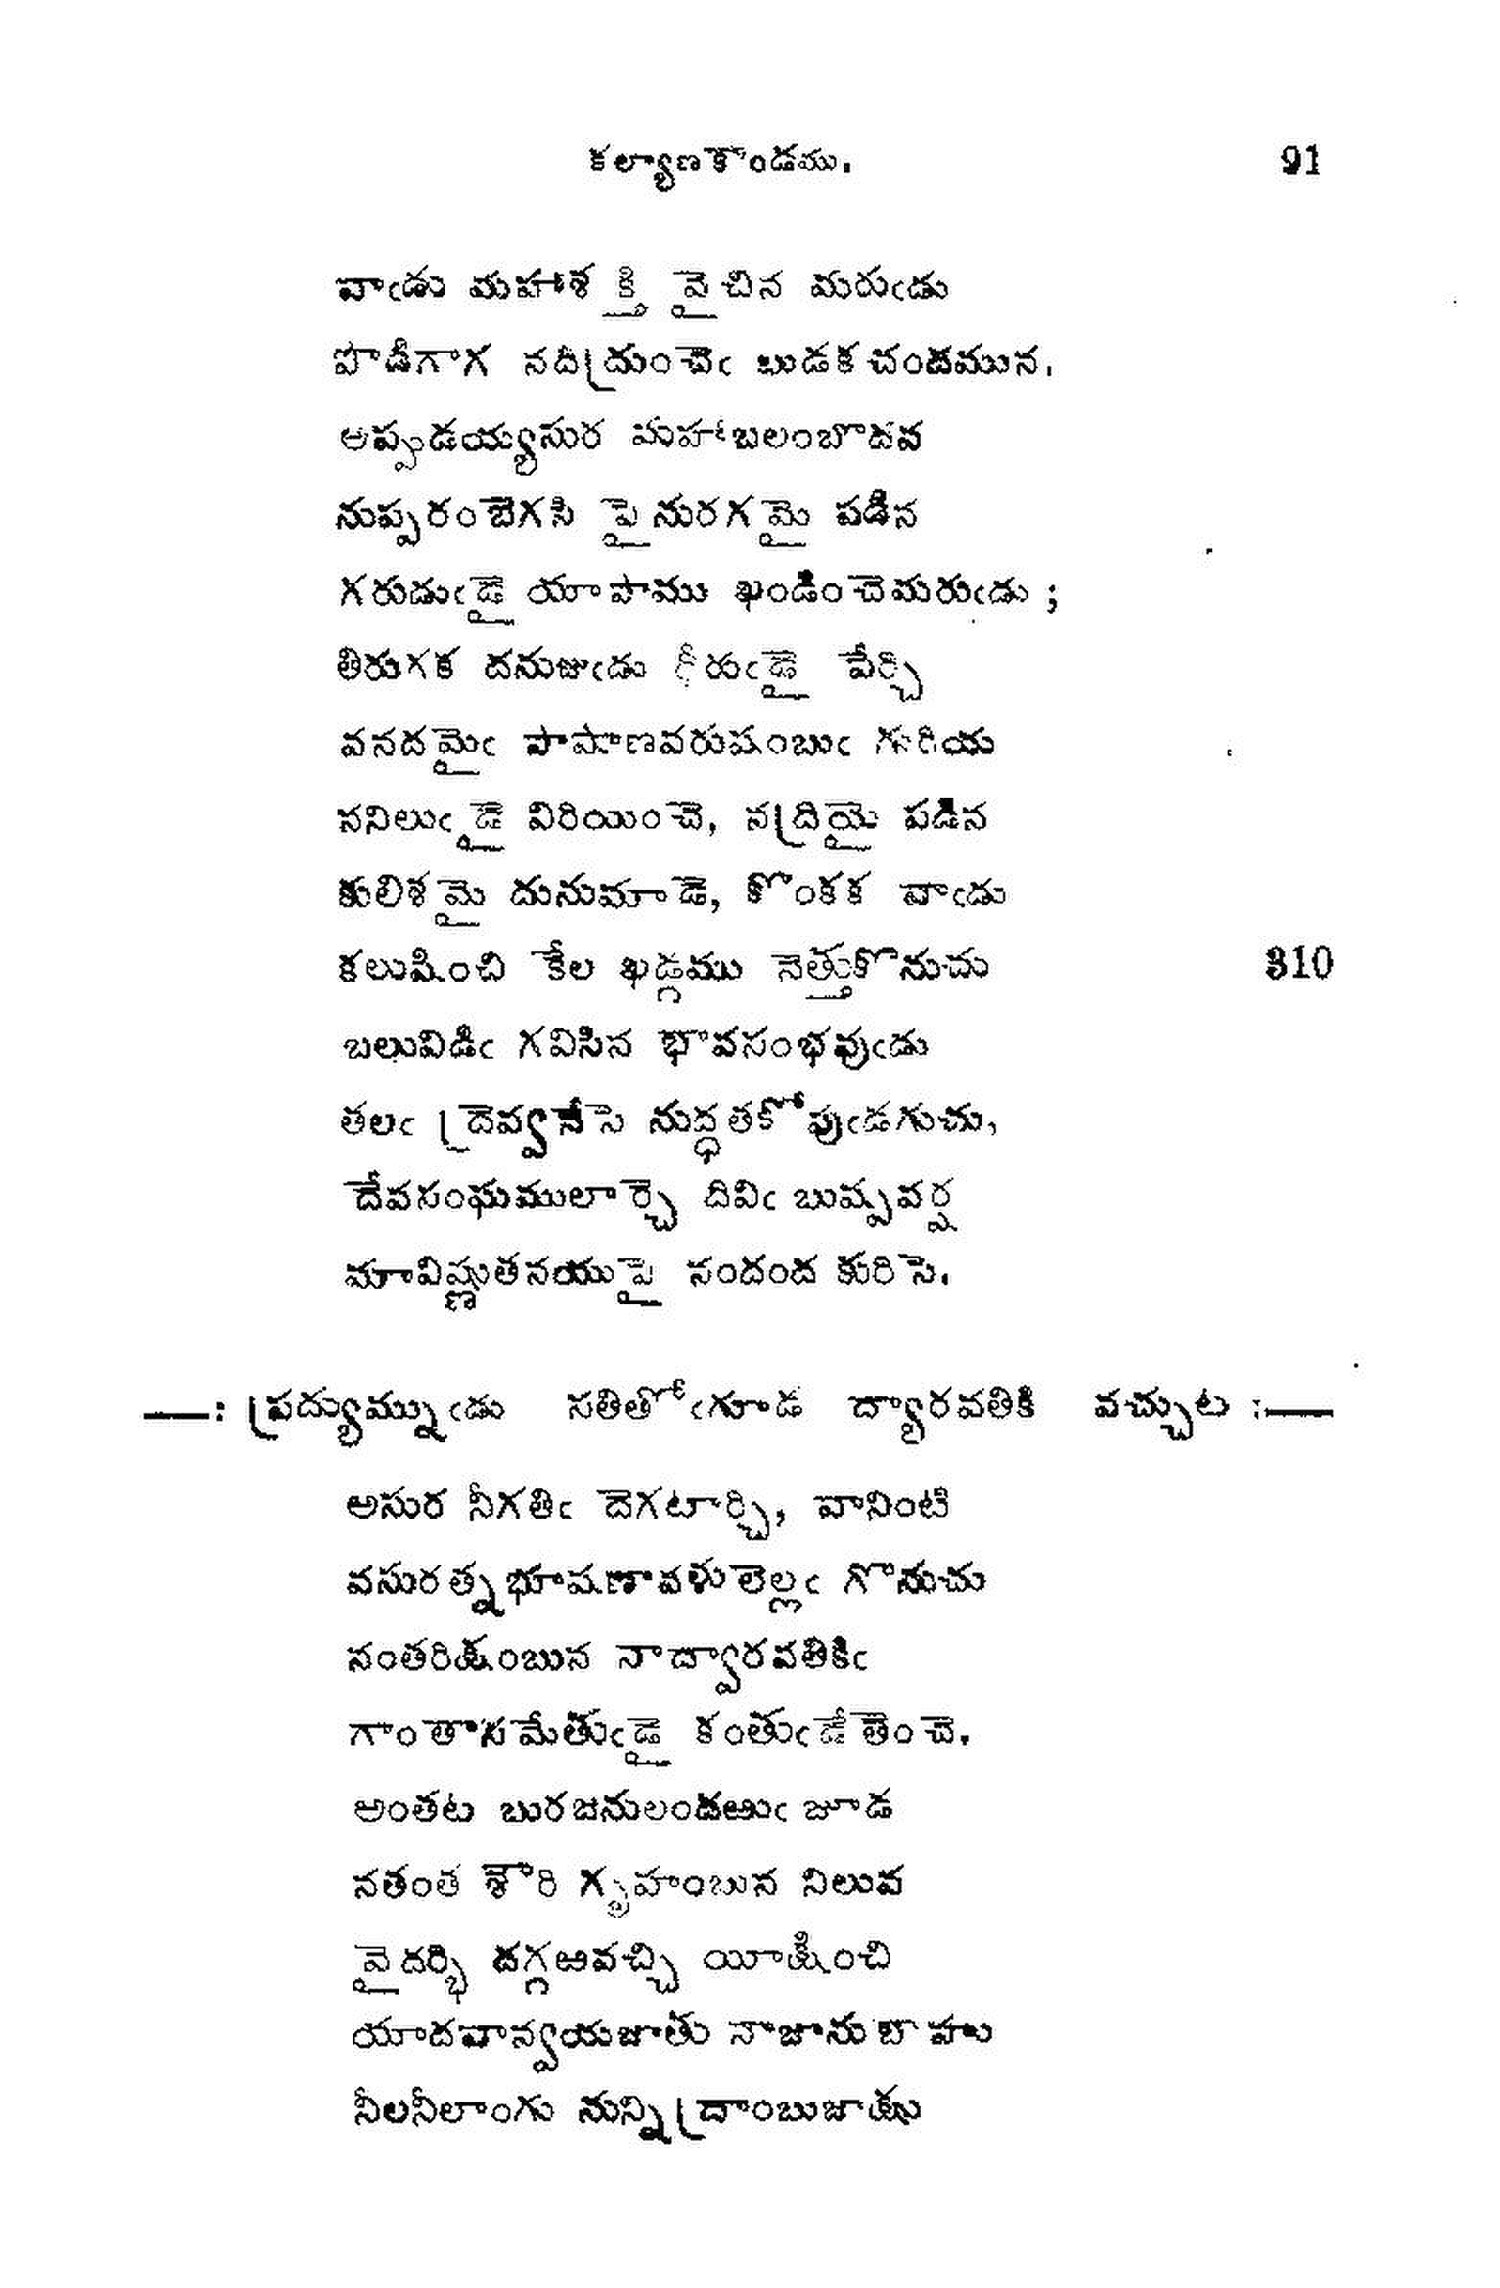వాఁడు మహాశక్తి వైచిన మరుఁడు
పొడిగాగ నది ద్రుంచెఁ బుడకచండమున.
అప్పుడయ్యసుర మహాబలం బొదవ
నుప్పరం బెగసి పై నురగమై పడిన
గరుడుఁడై యాపాము ఖండించె మరుఁడు ;
తిరుగక దనుజుఁడు ధీరుఁడై పేర్చి
వనదమైఁ పాషాణవరుషంబుఁ గురియ
ననిలుఁడై విరియించె, నద్రియై పడిన
కులిశమై దునుమాడె, కొంకక వాఁడు
కలుషించి కేల ఖడ్గము నెత్తుకొనుచు
బలువిడిఁ గవిసిన భావసంభవుఁడు
తలఁ ద్రెవ్వనేసె నుద్ధతకోపుఁ డగుచు,
దేవసంఘము లార్చె దివిఁ బుష్పవర్ష
మావిష్ణుతనయుపై నందంద కురిసె.

అసుర నీగతిఁ దెగటార్చి, వానింటి
వసురత్నభూషణావళులెల్లఁ గొనుచు
నంతరిక్షంబున నాద్వారవతికి
గాంతాసమేతుఁడై కంతుఁ డేతెంచె.
అంతట బురజనులందఱుఁ జూడ
నతంత శౌరి గృహంబున నిలువ
వైదర్భి దగ్గఱవచ్చి యీక్షించి
యాదవాన్వయజాతు నాజానుబాహు
నీలనీలాంగు నున్నిద్రాంబుజాక్షు